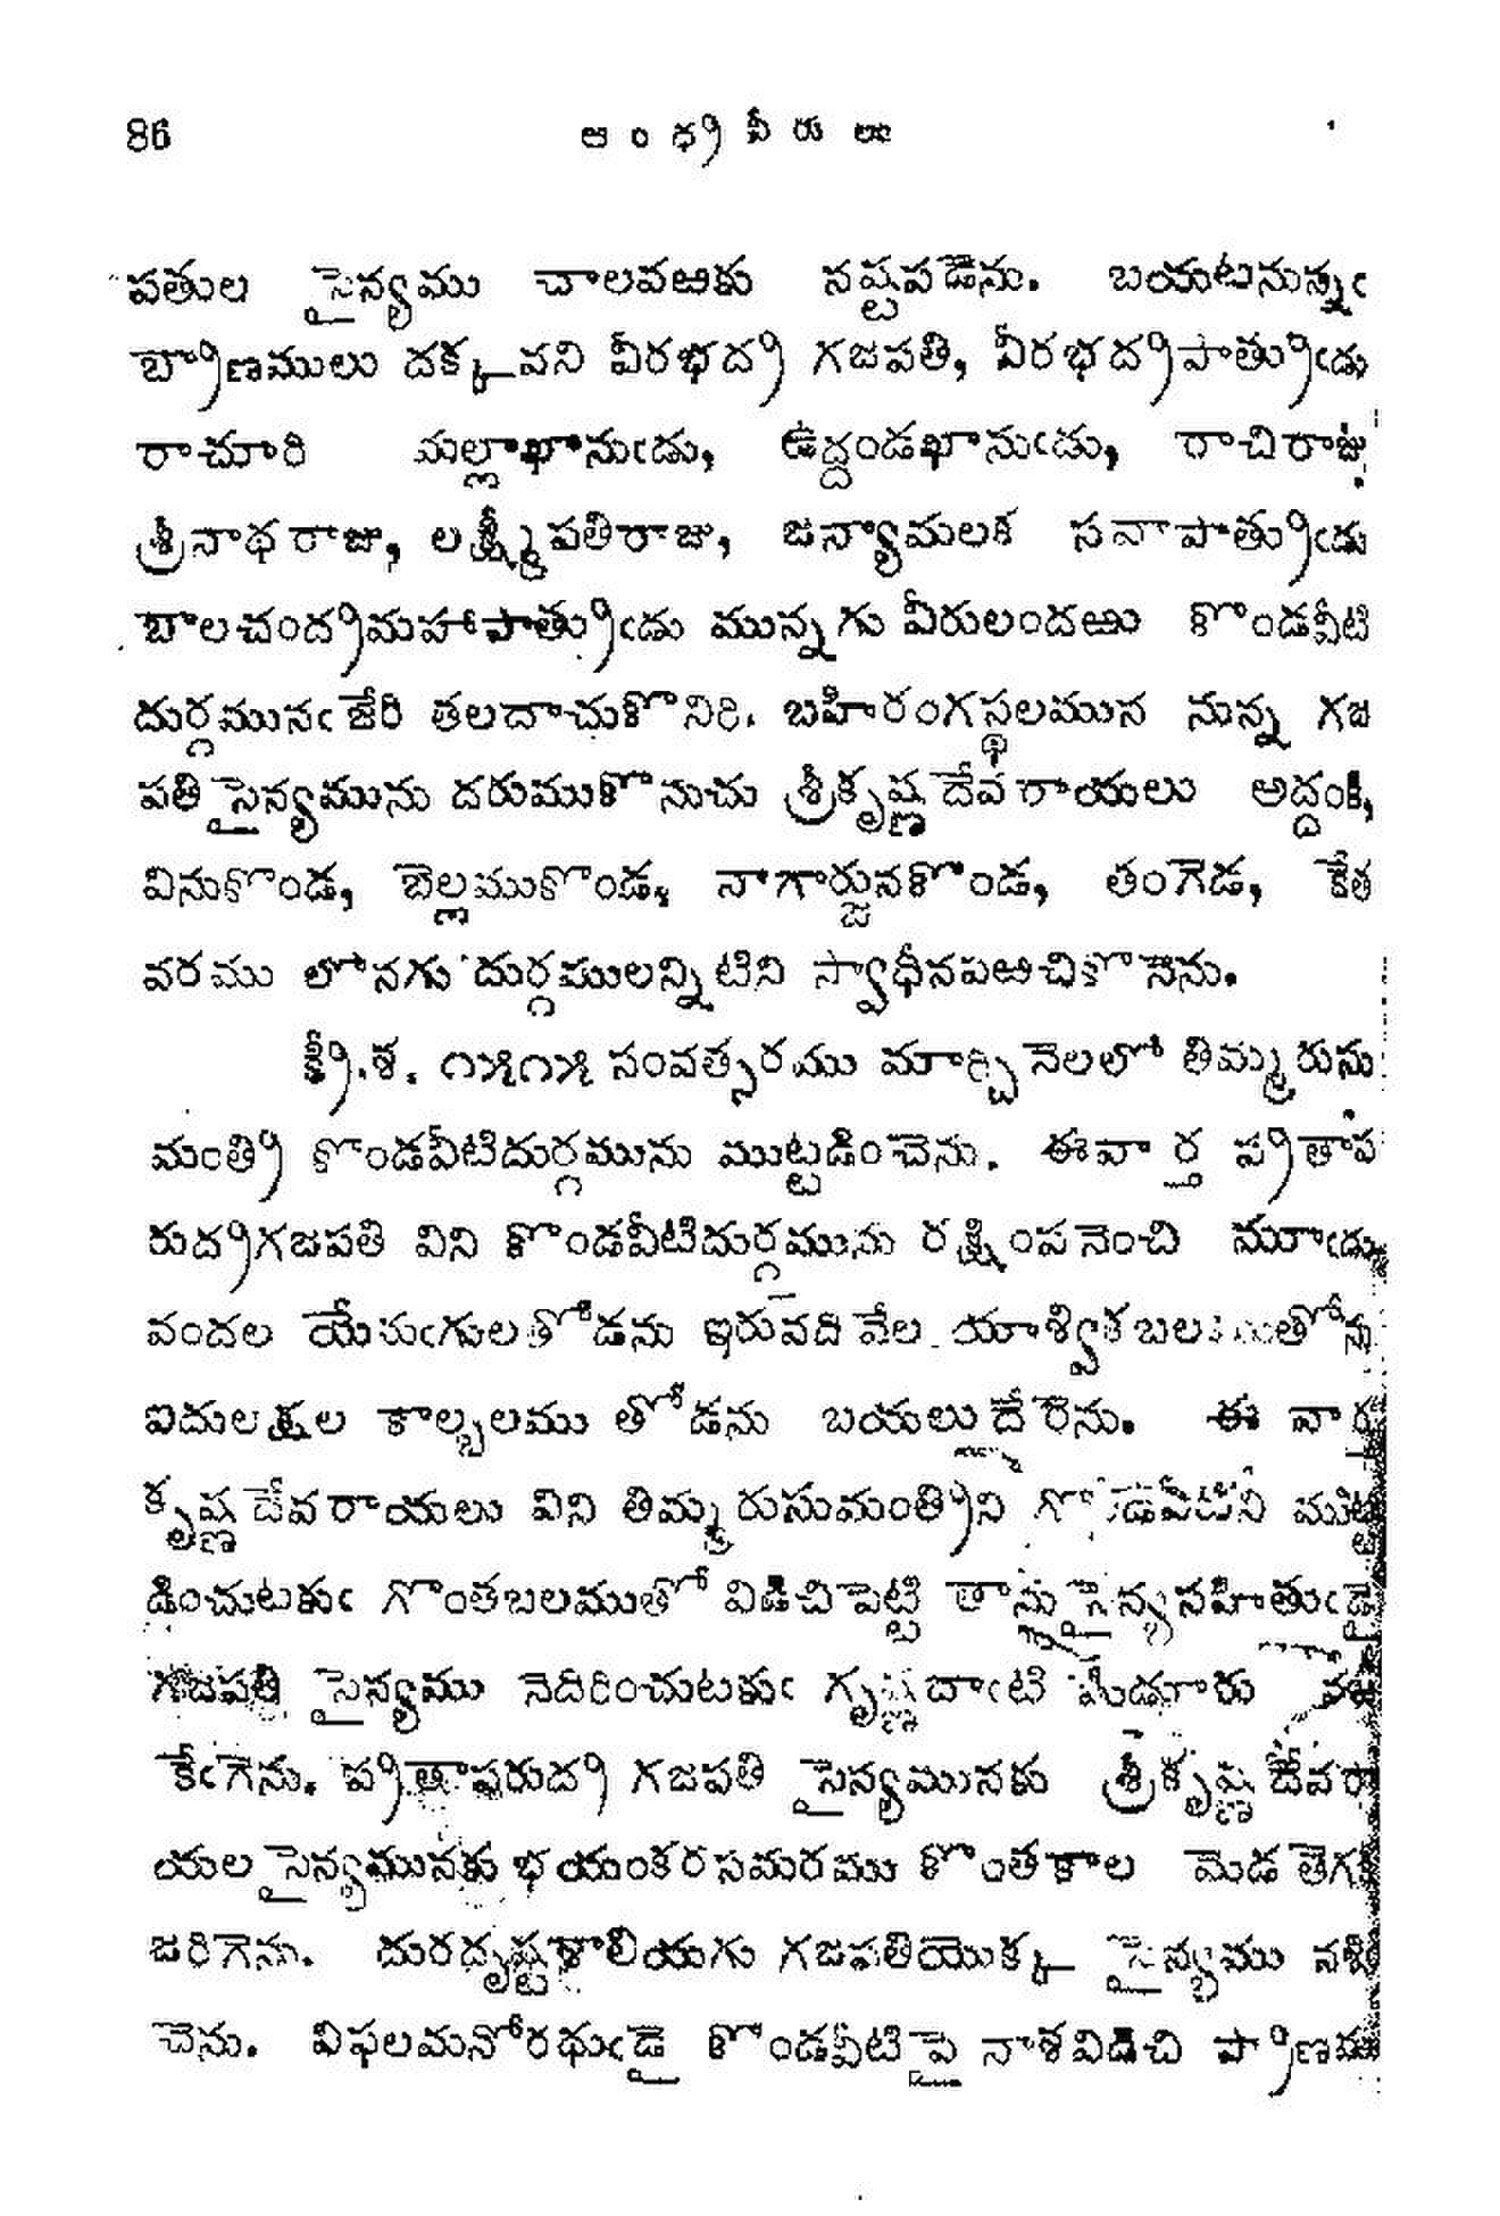పతుల సైన్యము చాలవఱకు నష్టపడెను. బయటనున్న బ్రాణములు దక్కవని వీరభద్ర గజపతి, వీరభద్రపాత్రుడు, రాచూరి మల్లాఖానుడు, ఉద్దండఖానుడు, రాచిరాజు శ్రీనాథరాజు, లక్ష్మీపతిరాజు, జన్యామలక సవాపాత్రుడు, బాలచంద్రమహాపాత్రుడు మున్నగు వీరులందఱు కొండవీటి దుర్గమునజేరి తలదాచుకొనిరి. బహిరంగస్థలమున నున్న గజపతిసైన్యమును దరుముకొనుచు శ్రీకృష్ణదేవరాయలు అద్దంకి, వినుకొండ, బెల్లముకొండ, నాగార్జునకొండ, తంగెడ, కేతవరము లోనగు దుర్గములన్నిటిని స్వాధీనపఱచికొనెను.

క్రీ.శ. 1515 సంవత్సరము మార్చినెలలో తిమ్మరుసు మంత్రి కొండవీటిదుర్గమును ముట్టడించెను. ఈవార్త ప్రతాపరుద్రగజపతి విని కొండవీటిదుర్గమును రక్షింపనెంచి మూడు వందల యేనుగులతోడను ఇరువదివేల యాశ్వికబలముతోను ఐదులక్షల కాల్బలము తోడను బయలుదేరెను. ఈ వార్త కృష్ణదేవరాయలు విని తిమ్మరుసుమంత్రిని గొండవీటిని ముట్టడించుటకు గొంతబలముతో విడిచిపెట్టి తాను సైన్యసహితుడై గజపతి సైన్యము నెదిరించుటకు గృష్ణదాటి మేడూరు వద్ద కేగెను. ప్రతాపరుద్ర గజపతి సైన్యమునకు శ్రీకృష్ణదేవరాయల సైన్యమునకు భయంకరసమరము కొంతకాల మెడతెగక జరిగెను. దురదృష్టశాలియగు గజపతియొక్క సైన్యము నశించెను. విఫలమనోరథుడై కొండవీటిపై నాశవిడిచి ప్రాణము